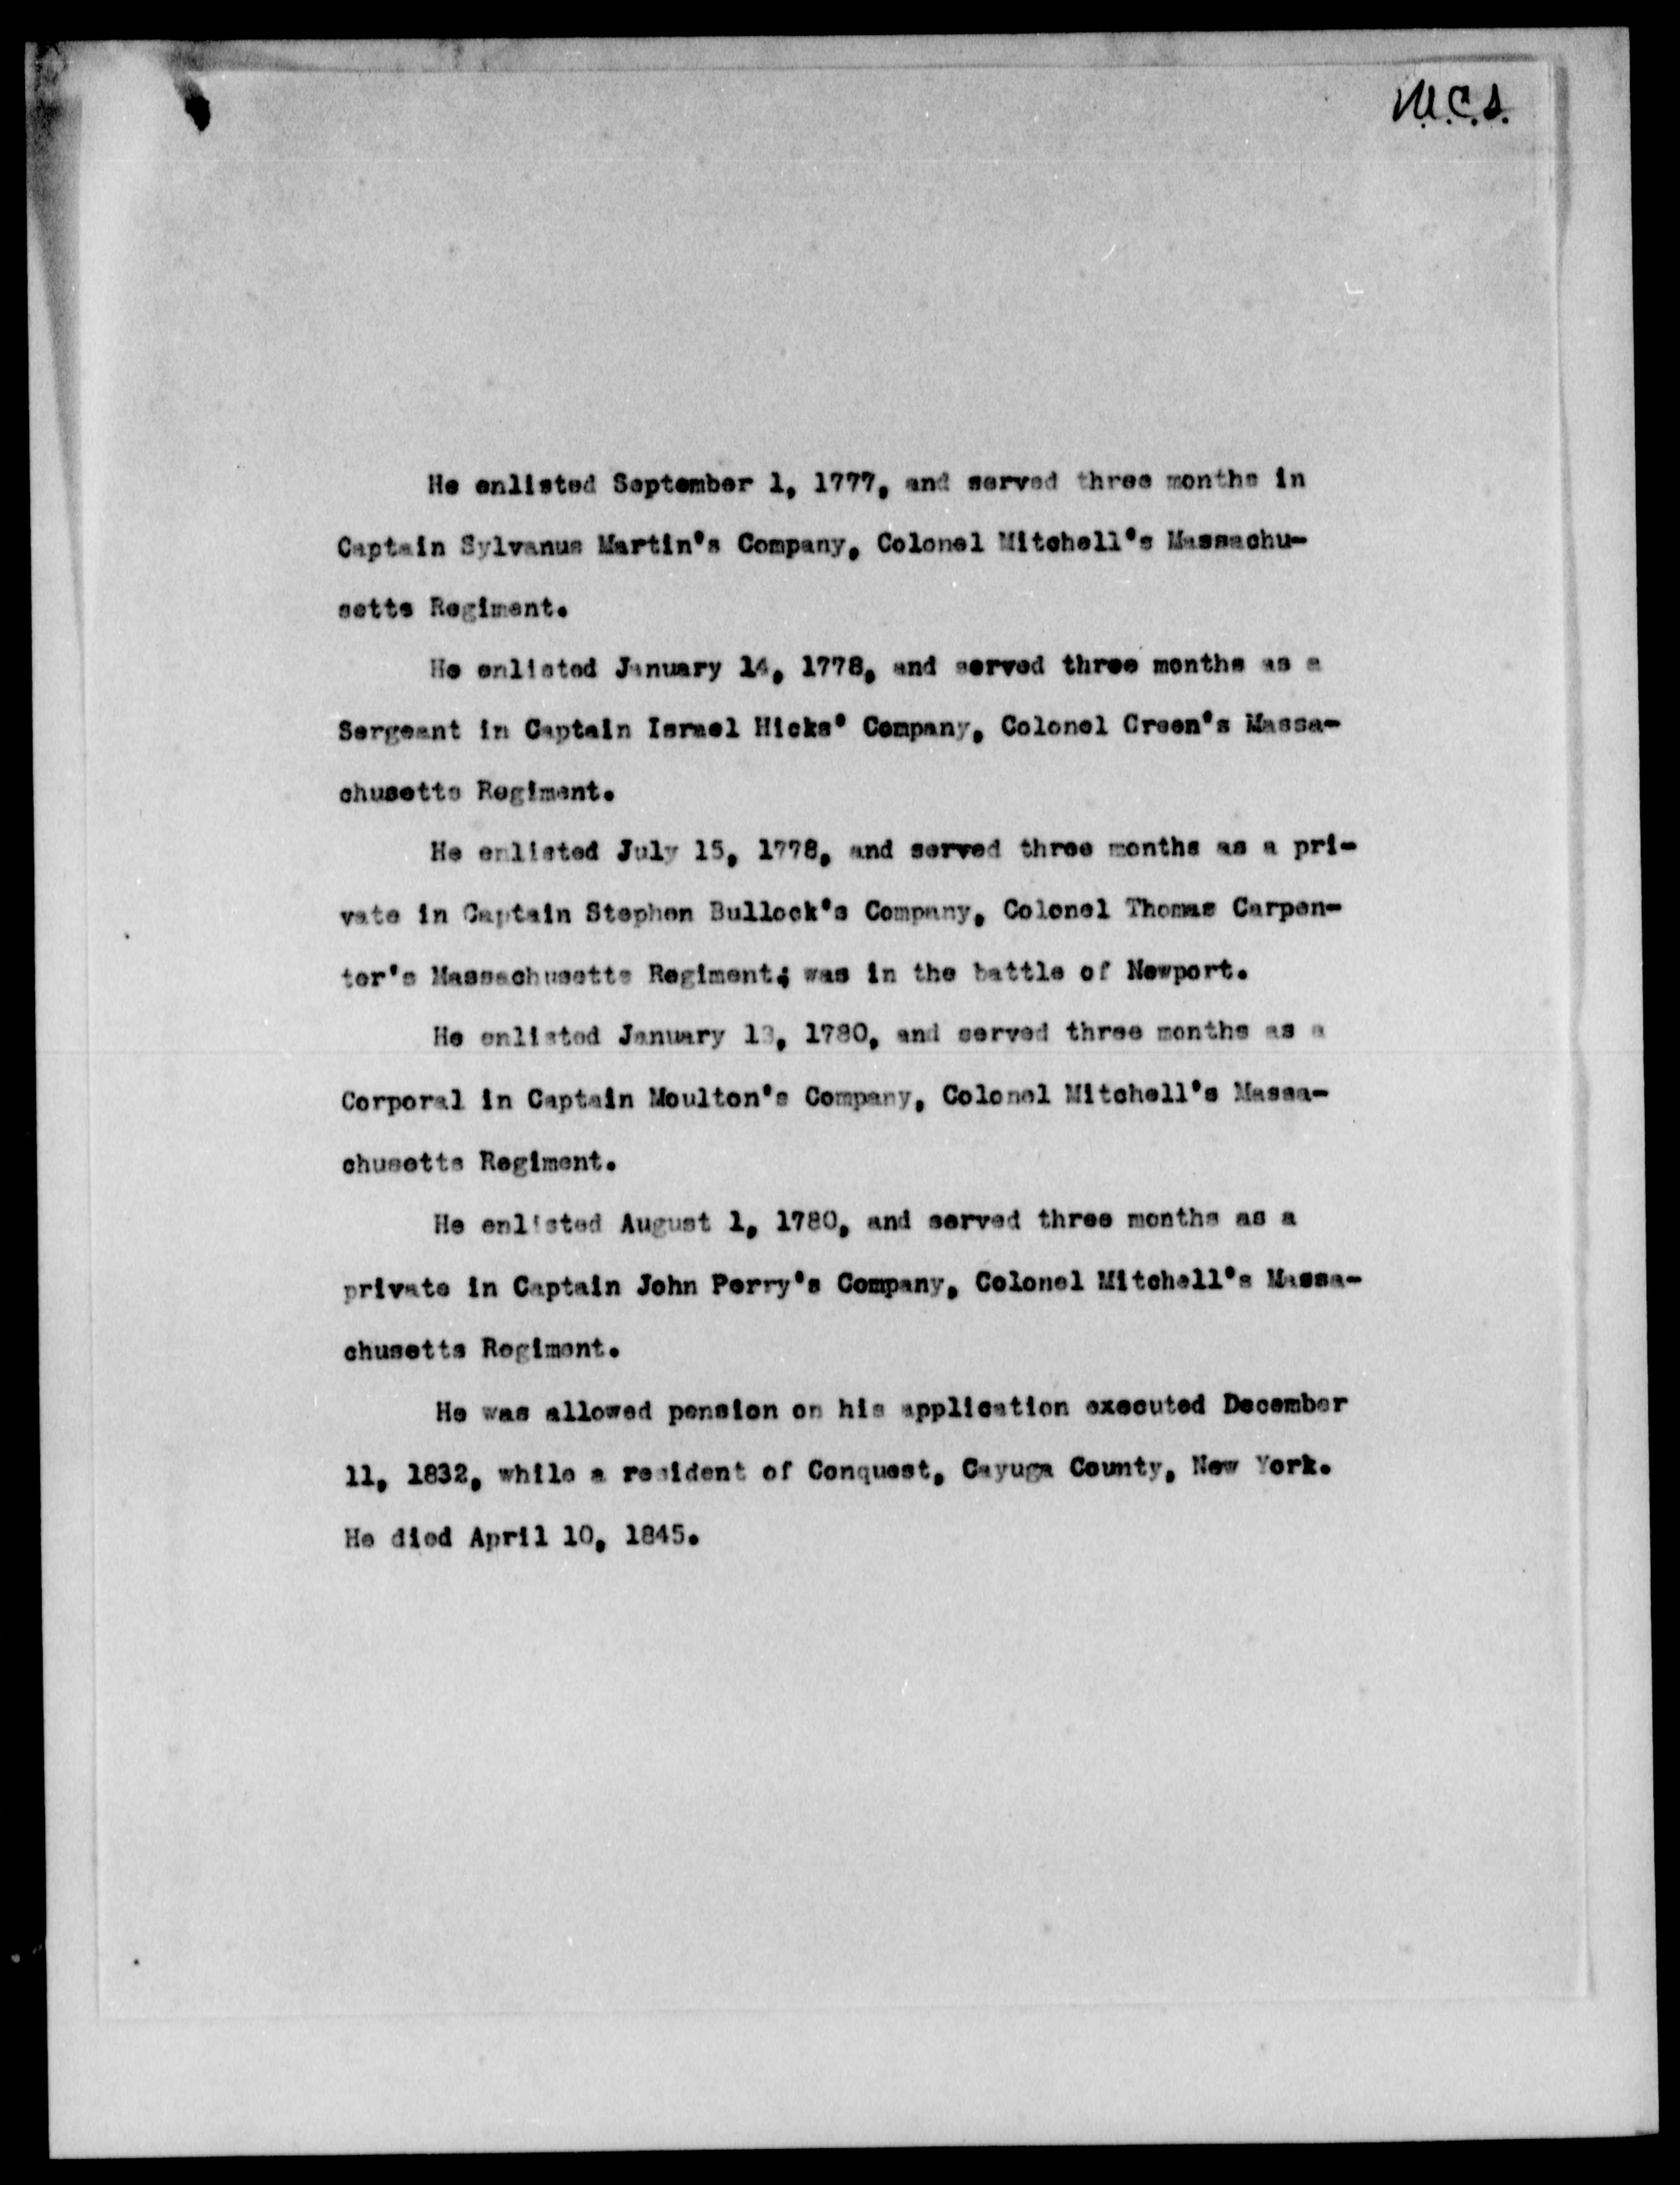M.C.S.


He enlisted September 1, 1777, and served three months in Captain Sylvanus Martin's Company, Colonel Mitchell's Massachusetts Regiment.
He enlisted January 14, 1778, and served three months as a Sergeant in Captain Israel Hick's Company, Colonel Green's Massachusetts Regiment.
He enlisted July 15, 1778, and served three months as a private in Captain Stephen Bullock's Company, Colonel Thomas Carpenter's Massachusetts Regiment, was in the battle of Newport.
He enlisted January 13, 1780, and served three months as a Corporal in Captain Moulton's Company, Colonel Mitchell's Massachusetts Regiment.
He enlisted August 1, 1780, and served three months as a private in Captain John Perry's Company, Colonel Mitchell's Massachusetts Regiment.
He was allowed pension on his application executed December 11, 1832, while a resident of Conquest, Cayuga County, New York.
He died April 10, 1845.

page: 46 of 98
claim: widow's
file: W. 1682, Valentine Wheeler, Mass.